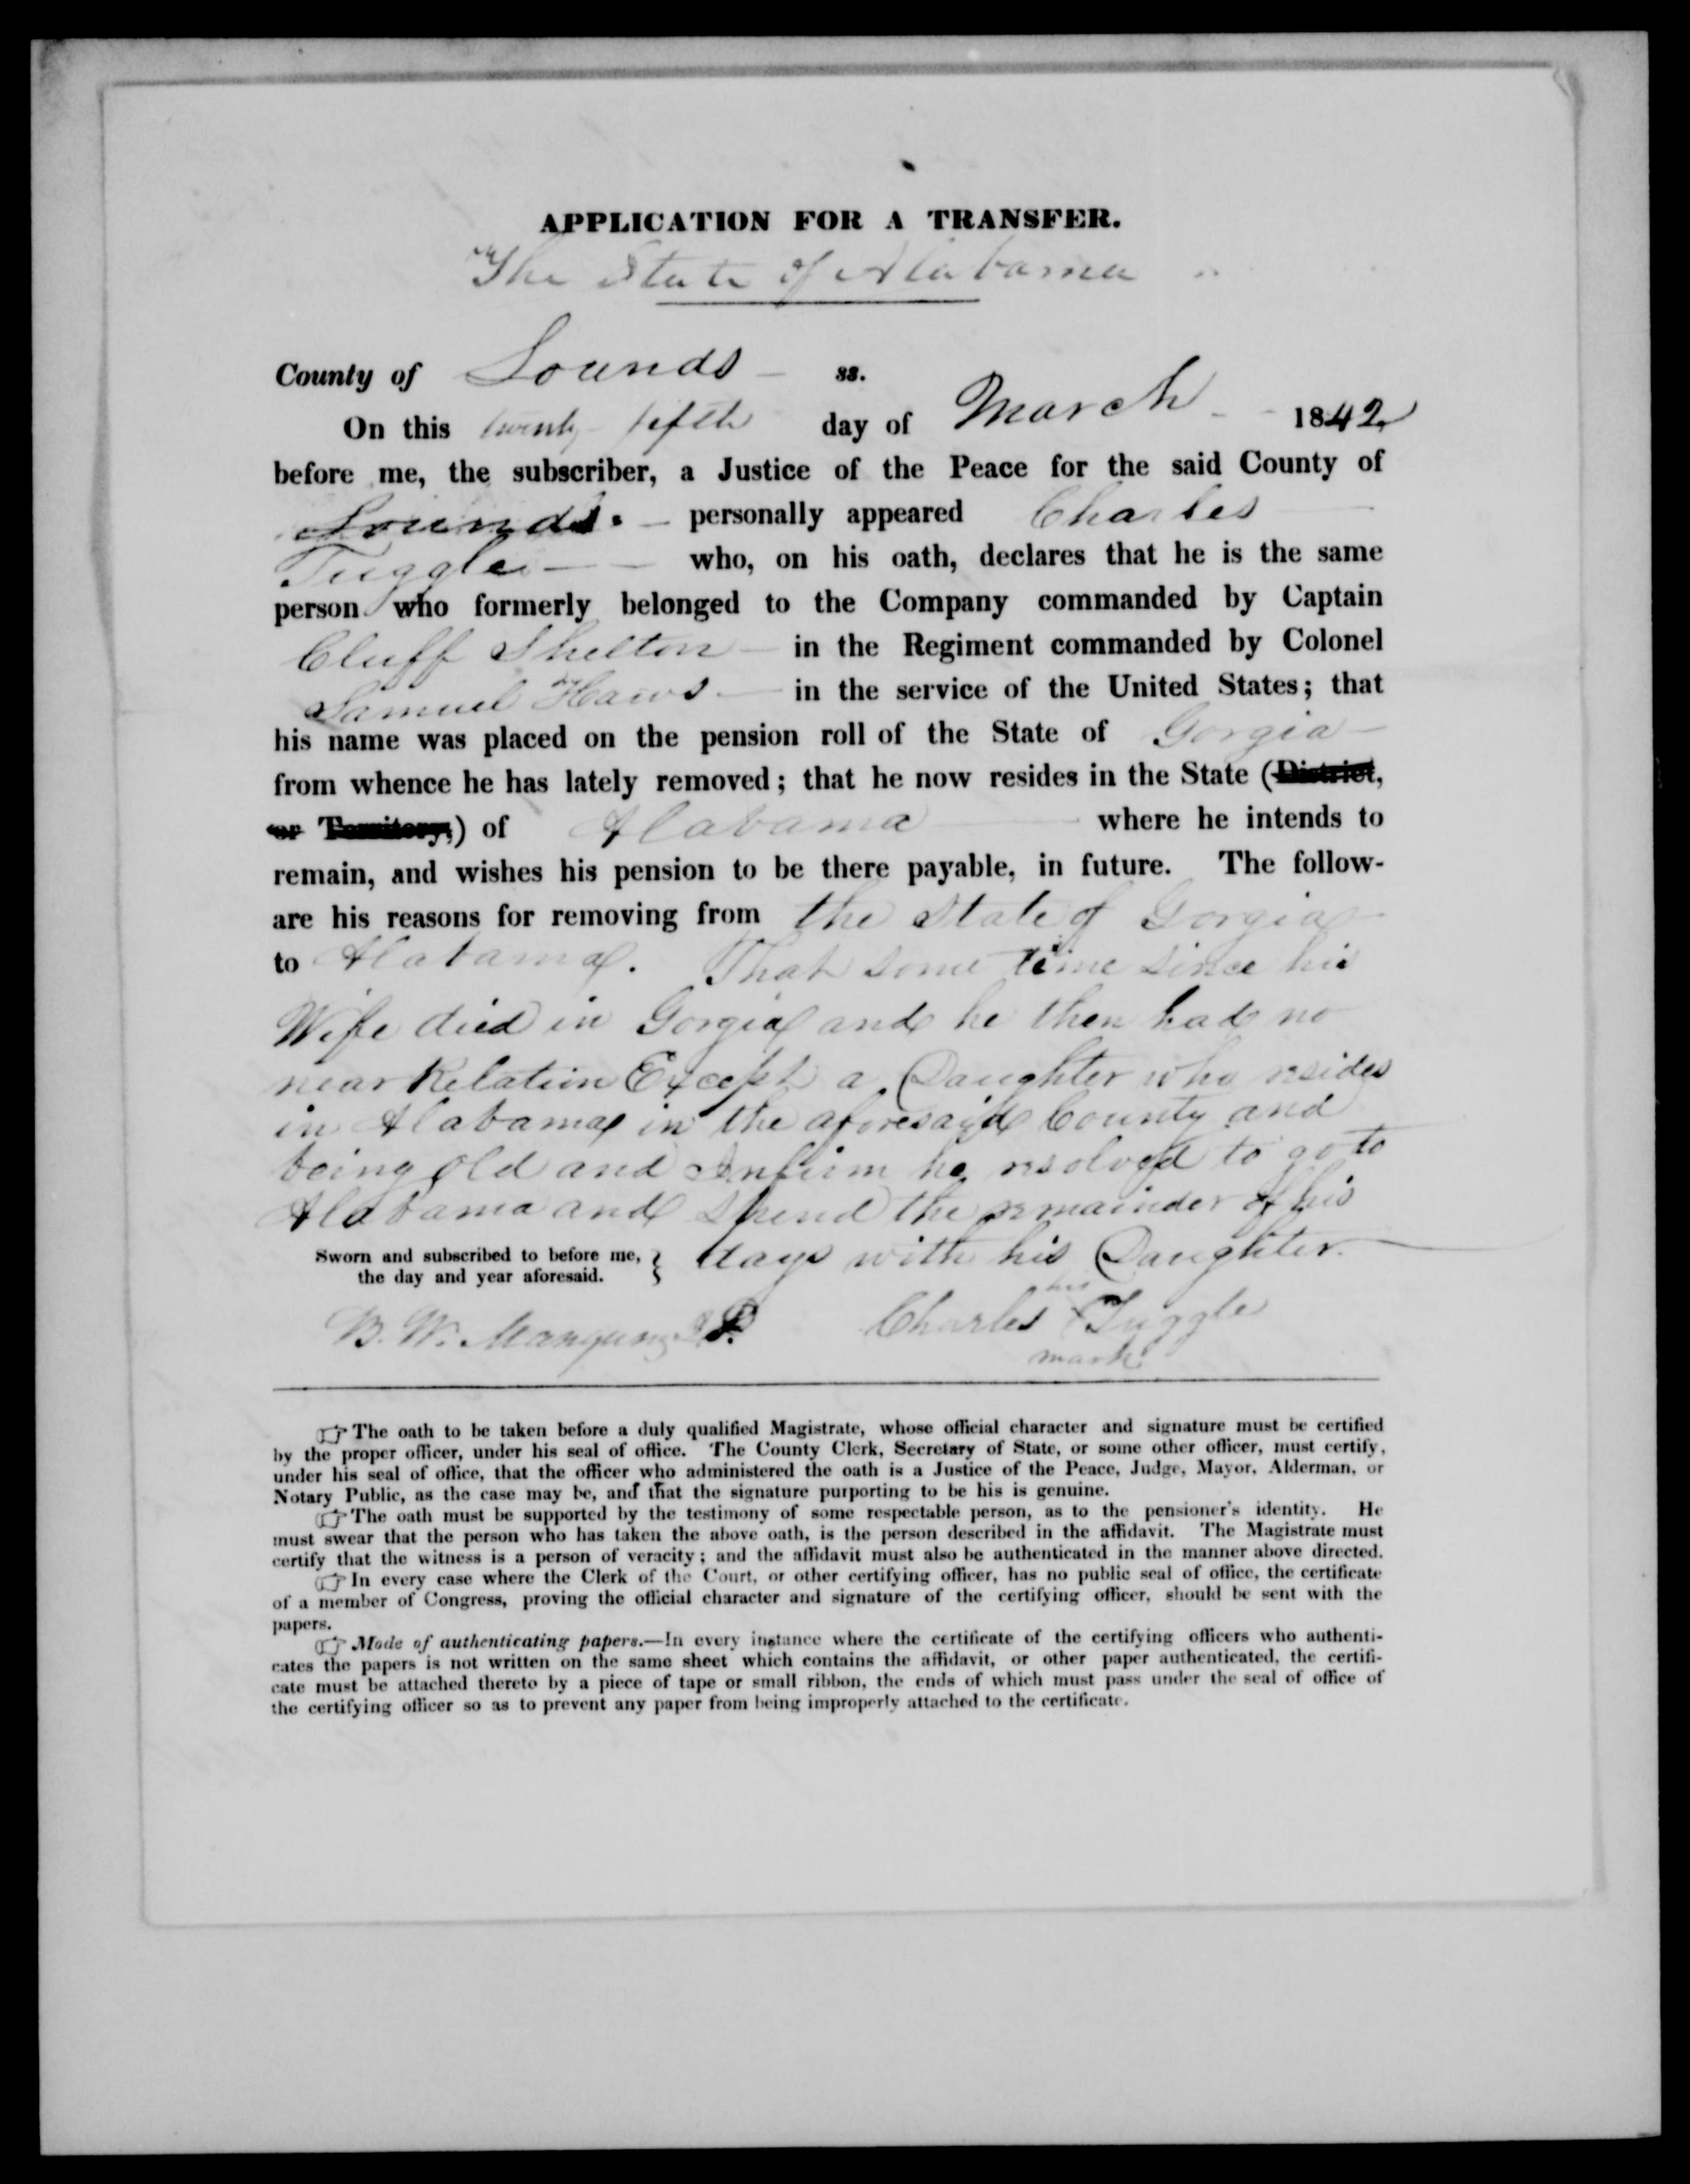APPLICATION FOR A TRANSFER.
The State of Alabama
County of Lounds
On this twenty fifth day of March 1842
before me, the subscriber, a Justice of the Peace for the said County of
Lounds personally appeared Charles Tuggle
who, on his oath, declares that he is the same
person who formerly belonged to the Company commanded by Captain
Cluff Shelton in the Regiment commanded by Colonel
Samuel Haws in the service of the United States; that
his name was placed on the pension roll of the State of Georgia
from whence he has lately removed; that he now resides in the State of Alabama where he intends to
remain, and wishes his pension to be there payable, in future. The follow are his reasons for removing from the State of Gorgia
to Alabama. That some time since his
Wife died in Georgia and he then had no
near relation Except a Daughter who resides
in Alabama in the aforesaid County and
being old and infirm he resolved to go to
Alabama and spend the remainder of his
days with his Daughter.
Sworn and subscribed to before me, the day and year aforesaid.
B. W. Mangum
Charles Tuggle
X his mark
The oath to be taken before a duly qualified Magistrate, whose official character and signature must be certified by the proper officer, under his seal of office. The County Clerk, Secretary of State, or some other officer, must certify, under his seal of office, that the officer who administered the oath is a Justice of the Peace, Judge, Mayor, Alderman, or Notary Public, as the case may be, and that the signature purporting to be his is genuine.
The oath must be supported by the testimony of some respectable person, as to the pensioner's identity. He must swear that the person who has taken the above oath is the person described in the affidavit. The Magistrate must certify that the witness is a person of veracity; and the affidavit must also be authenticated in the manner above directed.
In every case where the Clerk of the Court, or other certifying officer, has no public seal of office, the certificate of a member of Congress, proving the official character and signature of the certifying officer, should be sent with the papers.
Mode of authenticating papers. - In every instance where the certificate of the certifying officer who authenticates the papers is not written on the same sheet which contains the affidavit, or other paper authenticated, the certificate must be attached thereto by a piece of tape or small ribbon, the ends of which must pass under the seal of office of the certifying officer so as to prevent any paper from being improperly attached to the certificate.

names: Samuel Haws, Charles Tuggle, Charles Tuggle, B W Mangum, Cluff Shelton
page: 3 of 23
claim: survivor's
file: S. 32559, Charles Tuggle, Va.